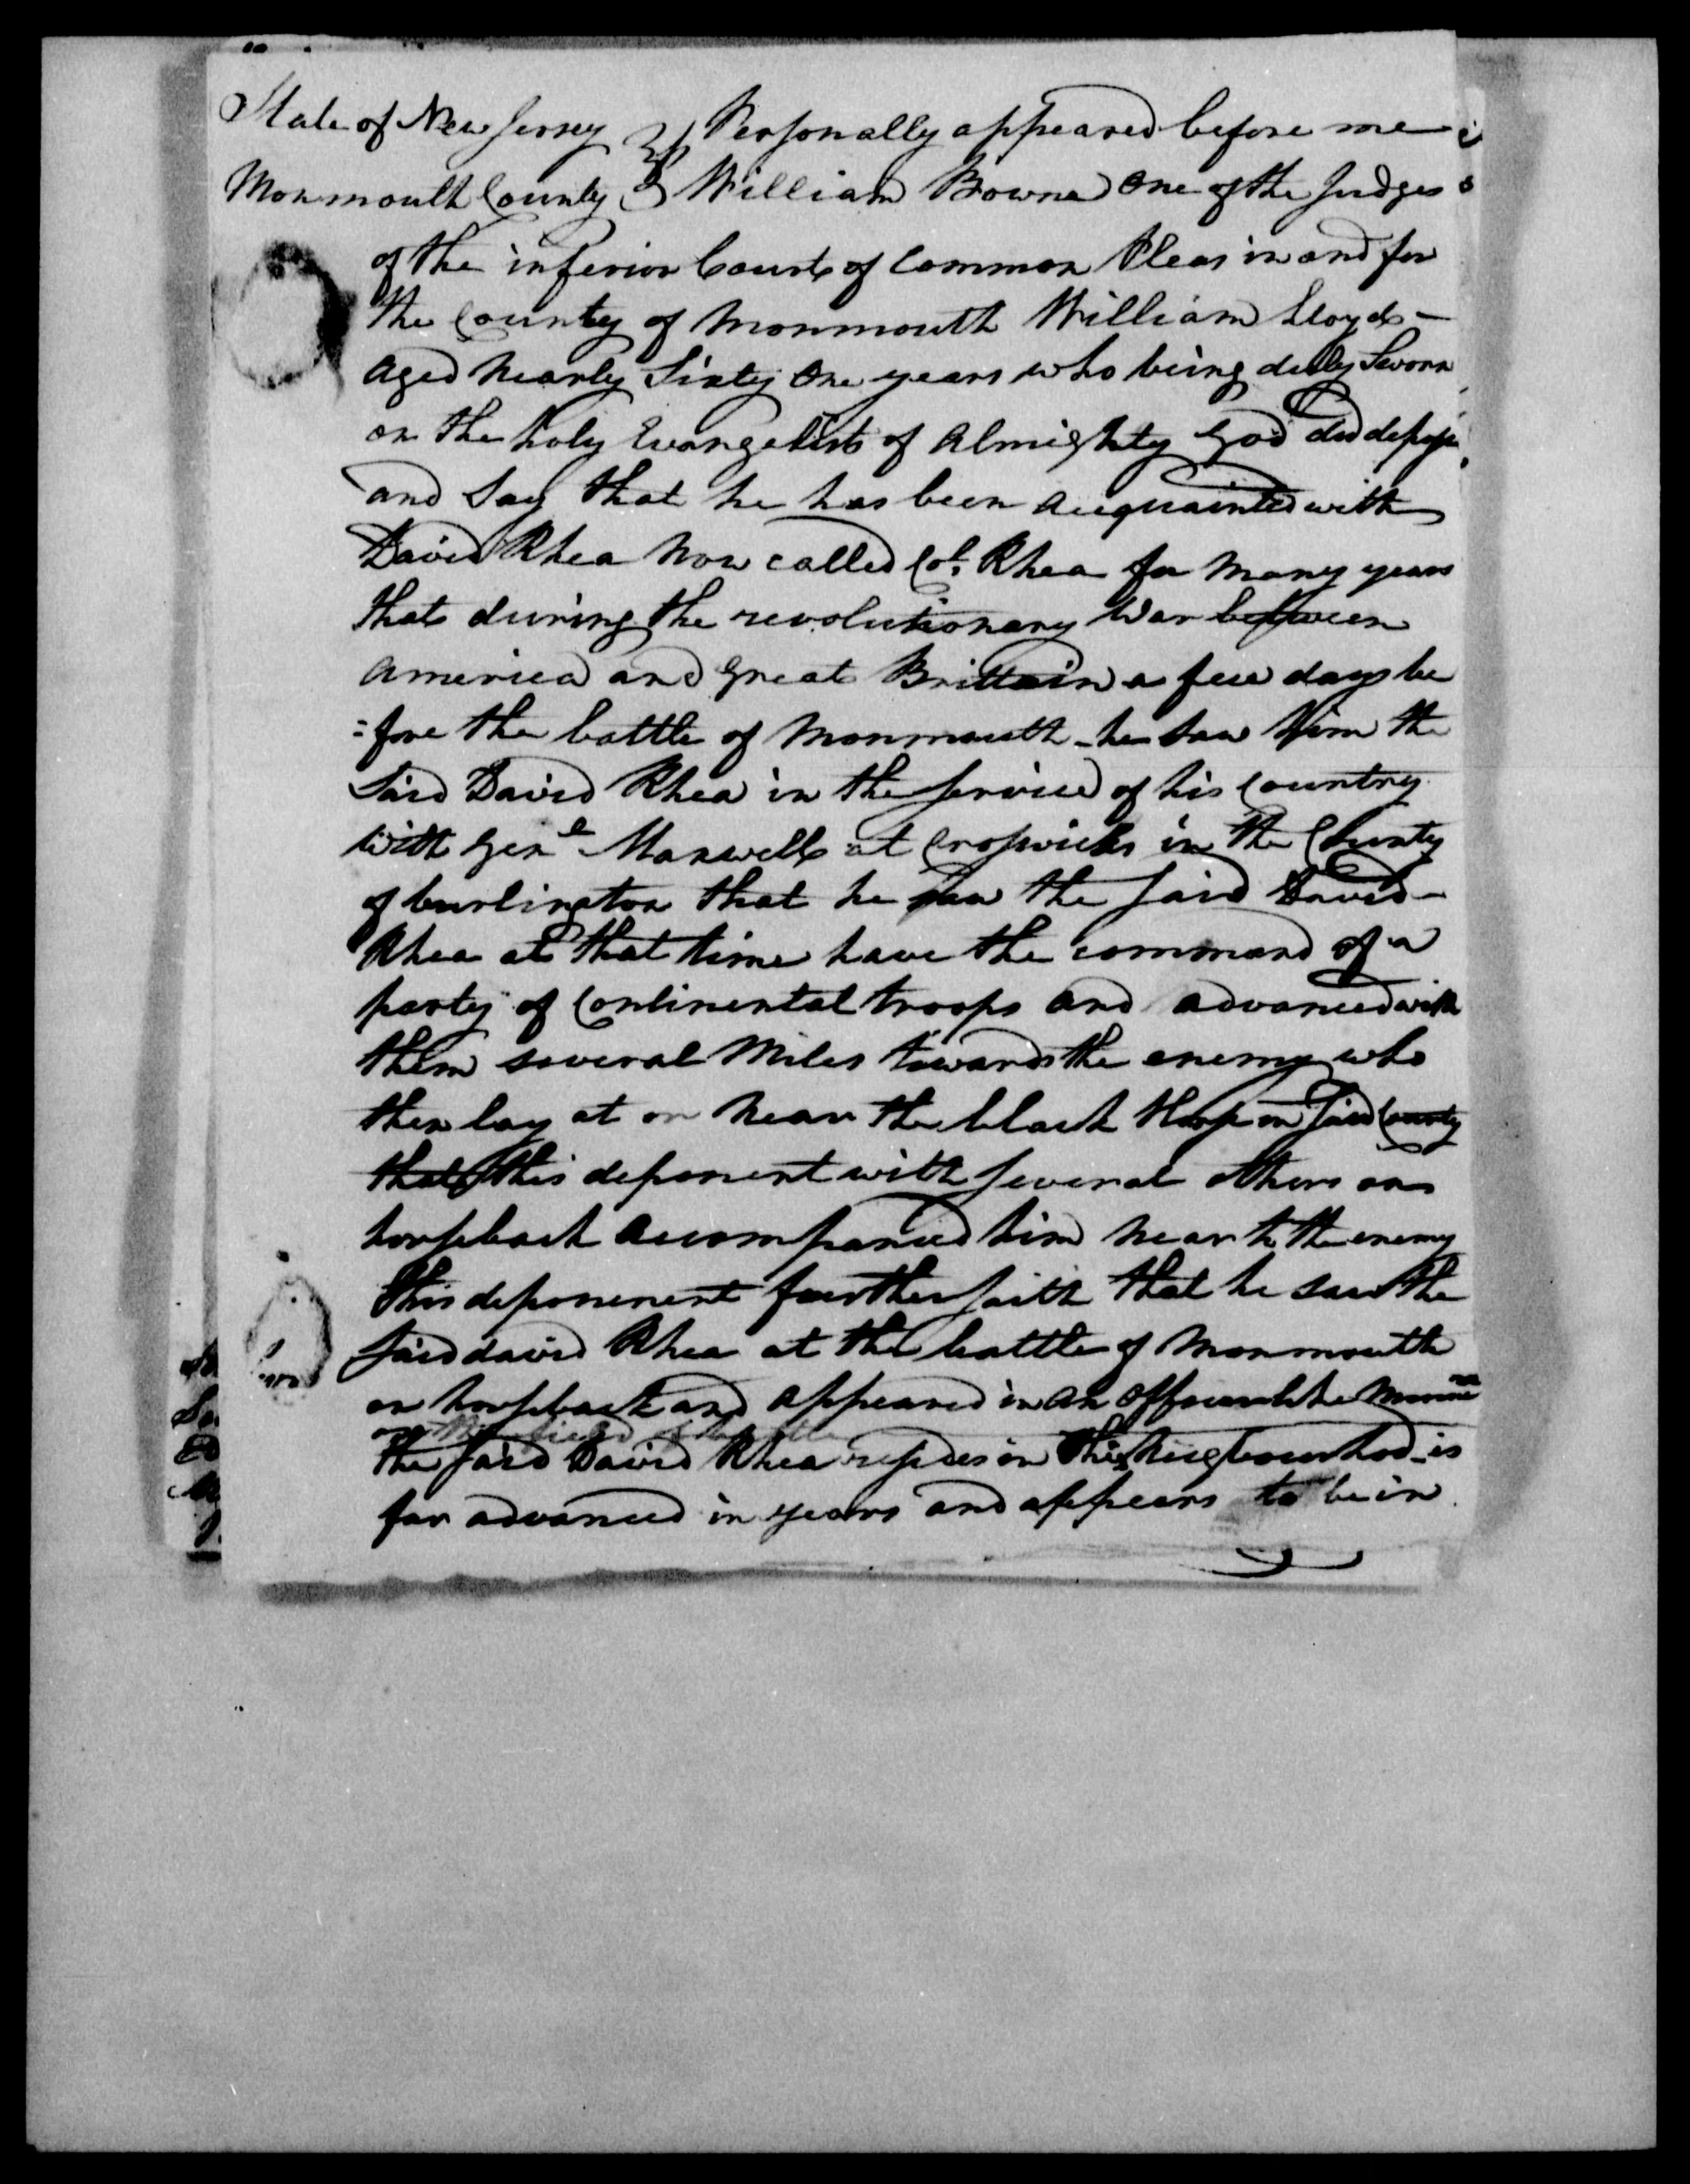State of New Jersey
Monmouth County } ss
Personally appeared before me
William Bowne one of the Judges
of the inferior Court of Common Pleas in and for
the County of Monmouth William Lloyd,
aged Nearly Sixty one years who being duly Sworn
on the holy Evangelists of Almighty God did depose
and say that he has been acquainted with
David Rhea now called Col. Rhea for many years
that during the revolutionary War between
America and Great Brittain a few days before
the battle of Monmouth he saw him the
said David Rhea in the Service of his Country
with Gen'l Maxwell at Crosswicks in the County
of Burlington that he saw the said David
Rhea at that time have the command of a
party of Continental troops and advanced with
them several miles towards the enemy who
then lay at or near the black Horse in said County
that this deponent with several others on
horseback accompanied him near to the enemy
This deponent further saith that he saw the
said david Rhea at the battle of Monmouth
on horseback and appeared in an officerlike manner
on the field of battle
The said David Rhea resides in this neighborhood is
far advanced in years and appears to be in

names: David Rhea; [BLANK] Rhea; William Lloyd; David Rhea; [BLANK] Maxwell; William Bowne; David Rhea; David Rhea; David Rhea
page: 6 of 21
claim: survivor's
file: S. 33,554, for David Rhea, New Jersey